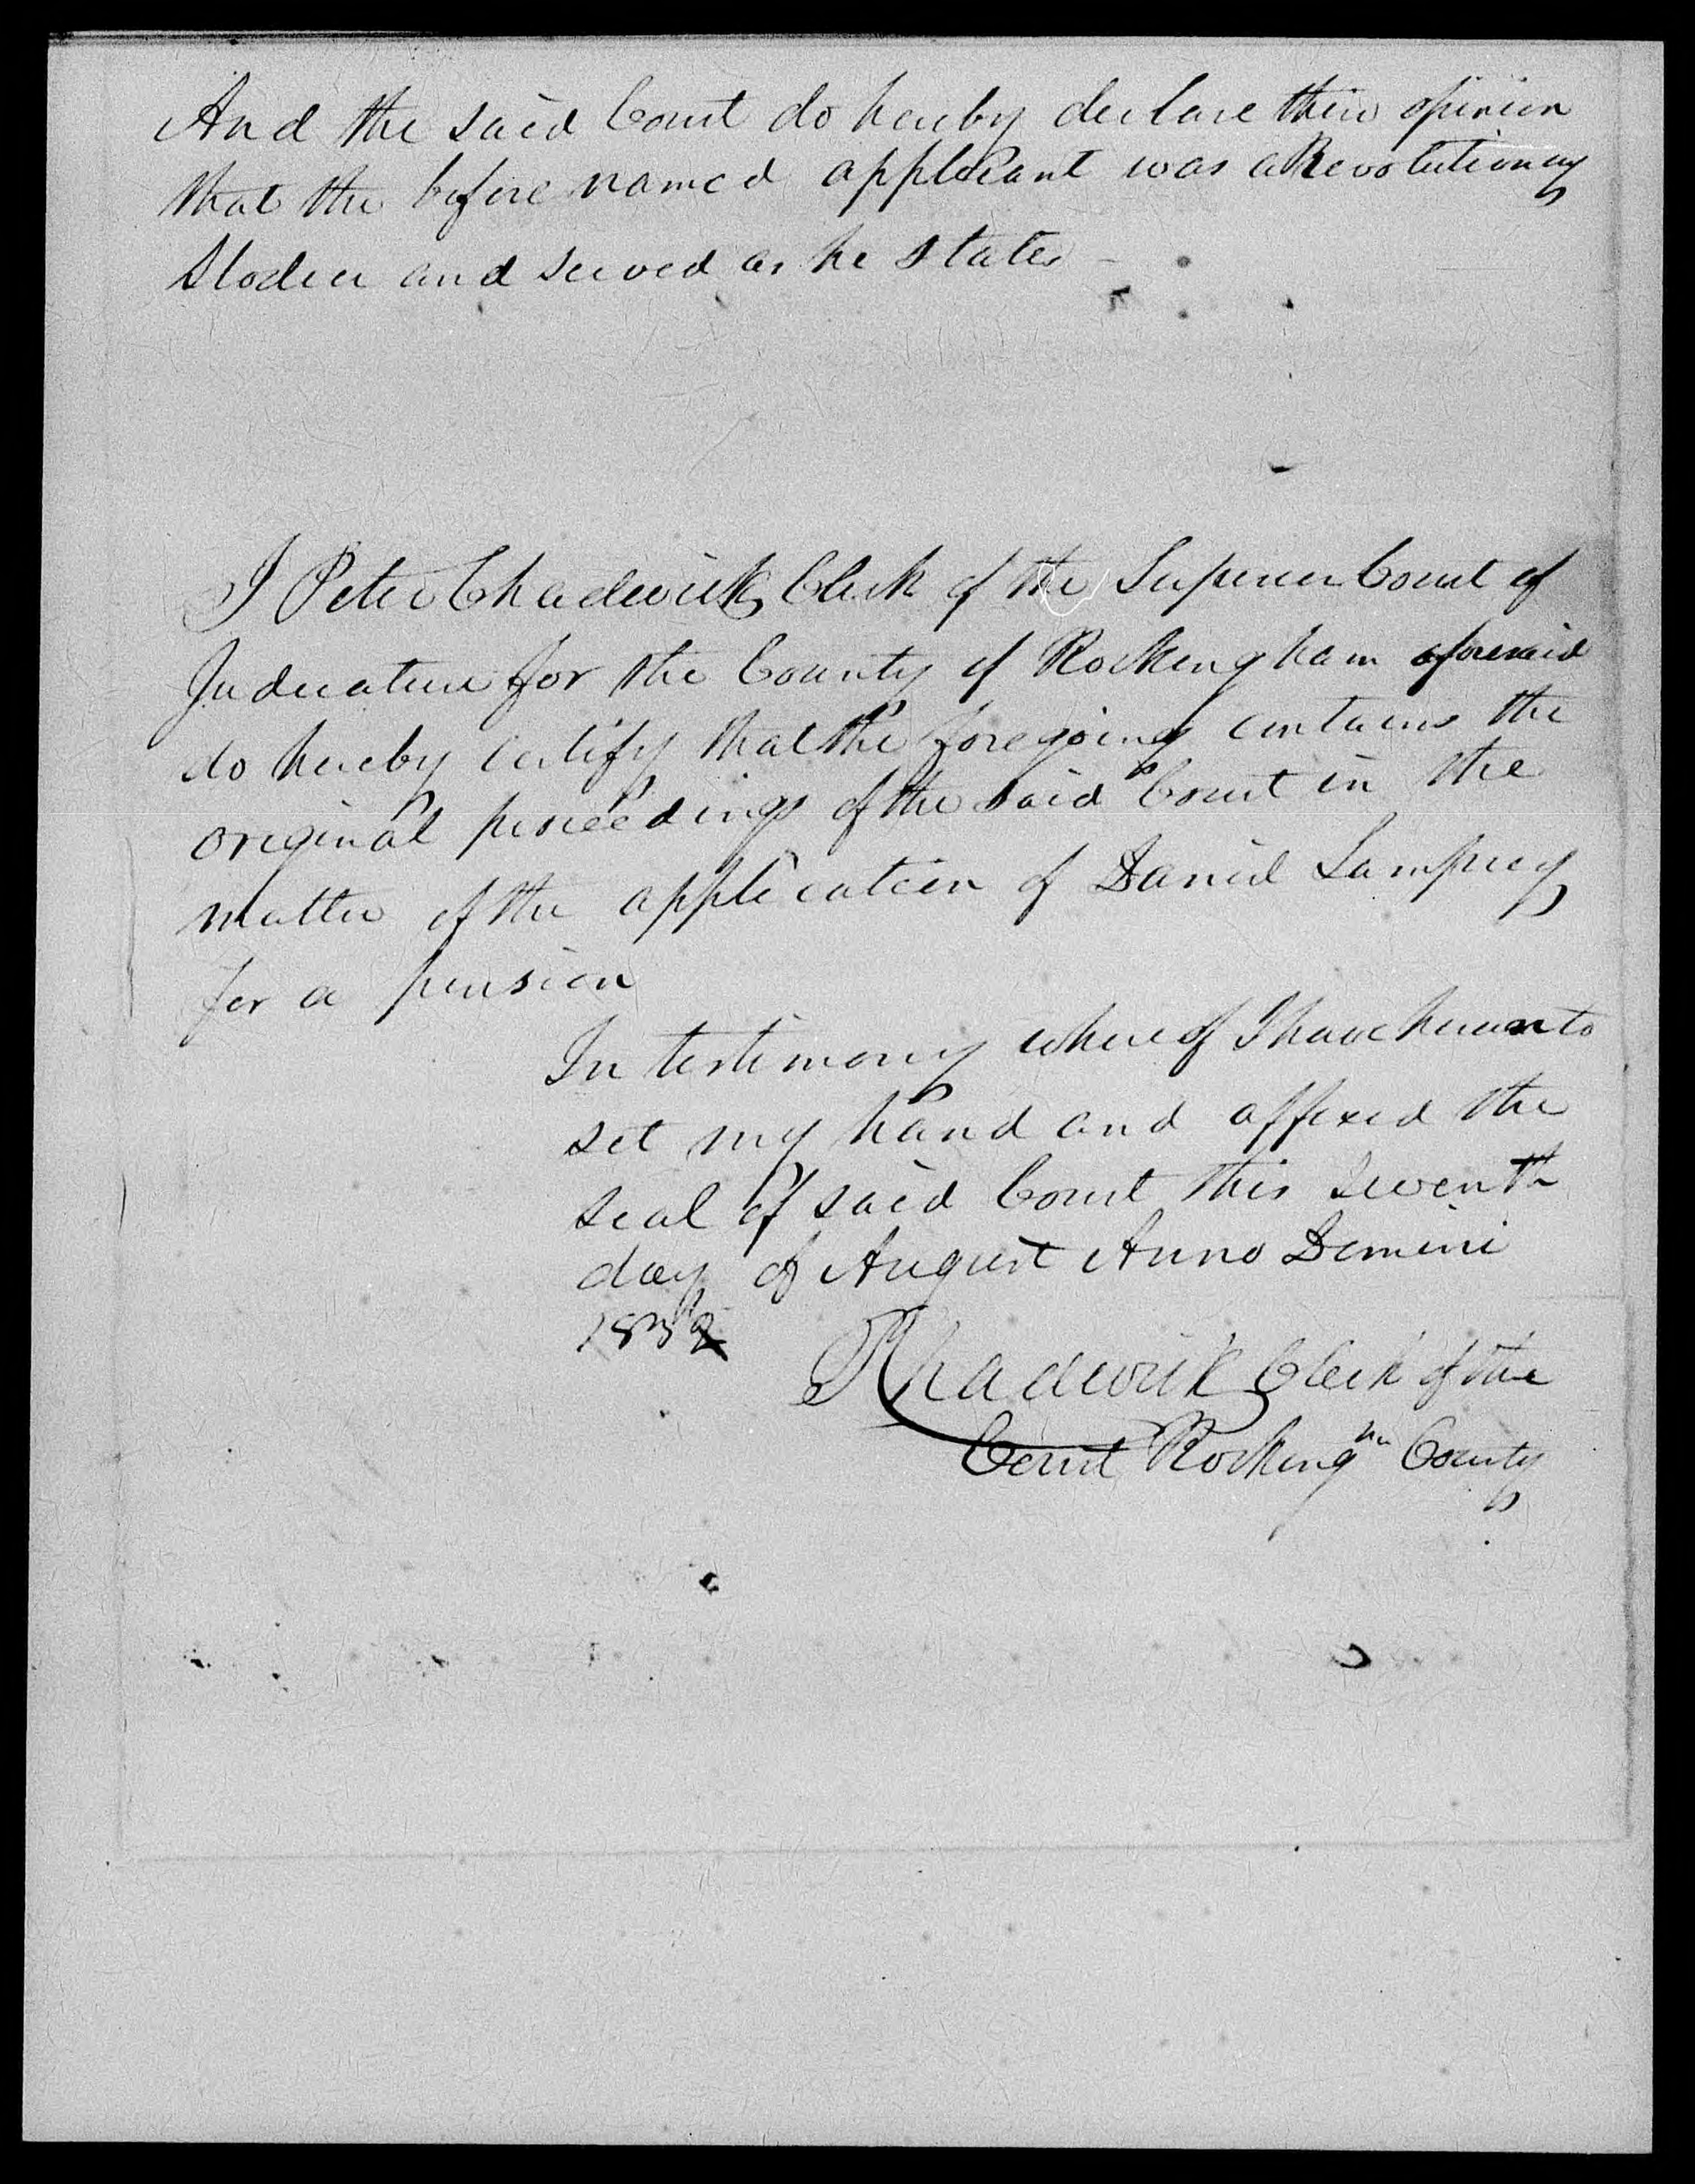And the said Court do hereby declare their opinion that the before named applicant was a Revolutionary Soldier and served as he states

I Peter Chadwick Clerk of the Superior Court of
Judicature for the County of Rockingham aforesaid do hereby certify that the foregoing contains the original proceedings of the said Court in the matter of the application of Daniel Lamprey for a pension
In testimony whereof I have hereunto set my hand and affixed the seal of said Court this Seventh day of August Anno Domini 1832
P Chadwick Clerk of the Court Rockingham County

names: Peter Chadwick; Daniel Lamprey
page: 12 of 53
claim: widow's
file: W. 492, for Daniel Lamprey, New Hampshire